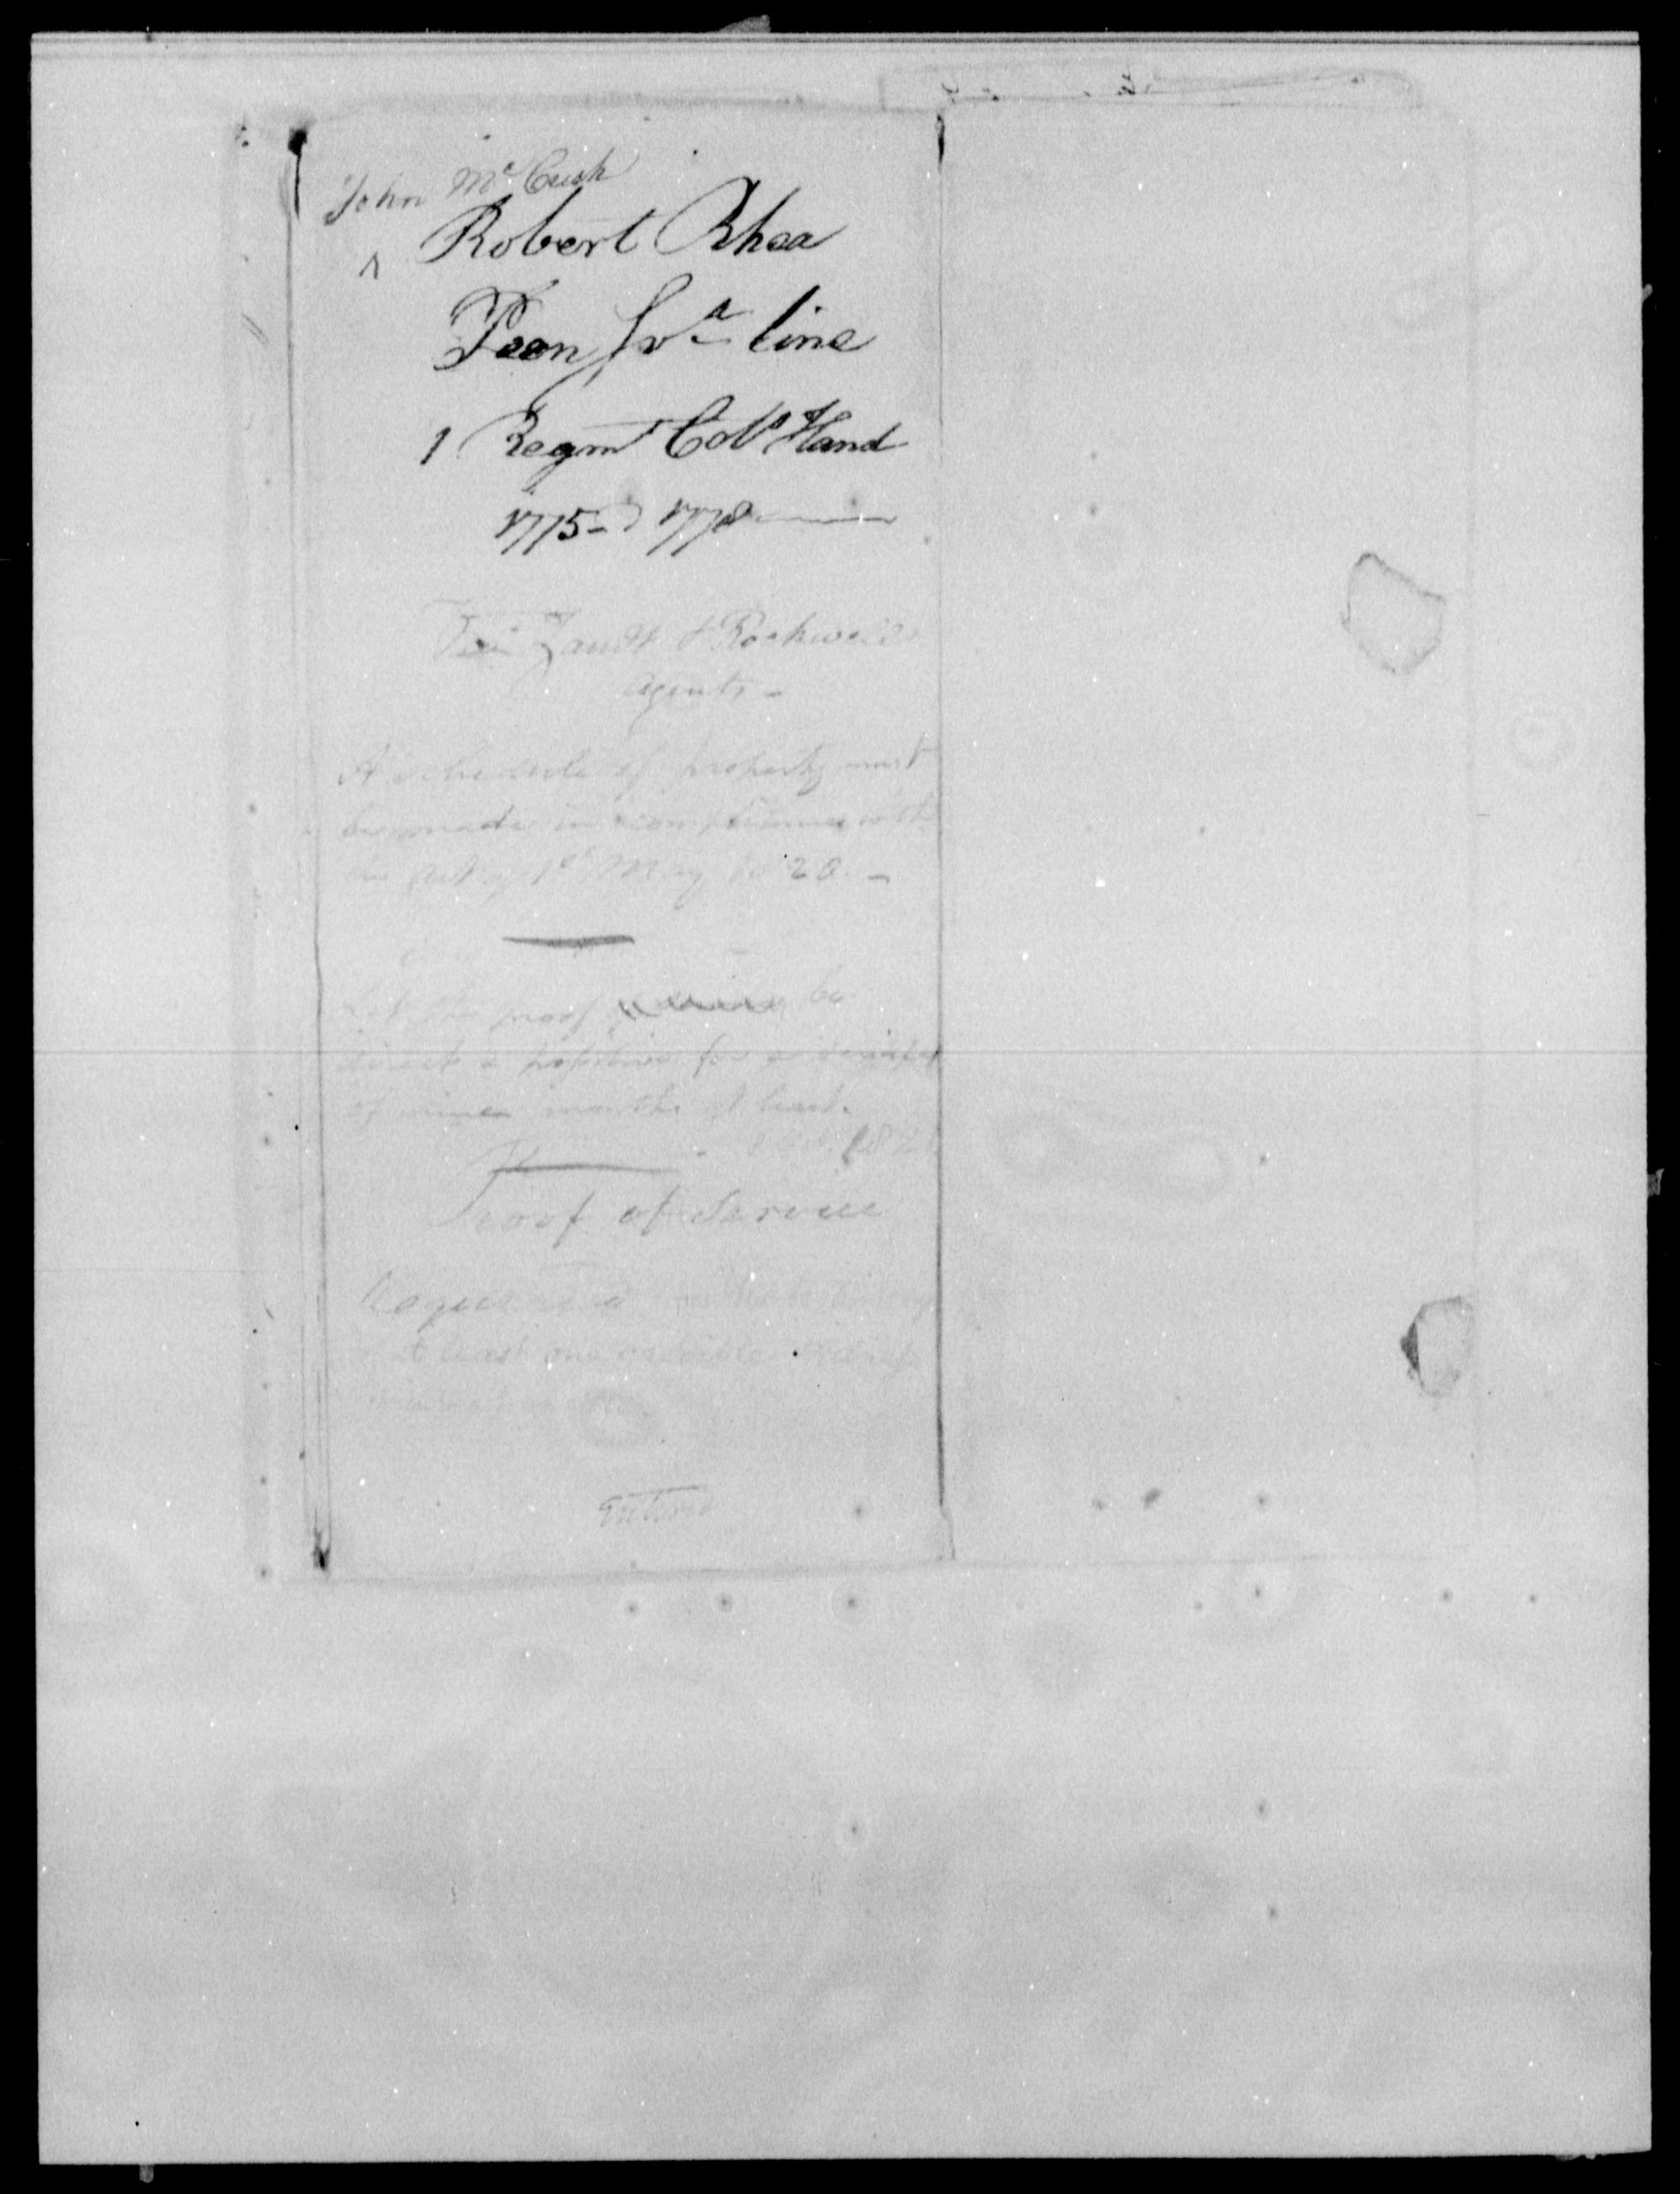John McCush
Robert Rhea
Pennsylvania Line
1 Regiment Col Hand
1775-177[illegible]

Van Zandt and Rockwell Agents
A schedule of property must be made in compliance with the act of 18 May 1820

Let the proof be direct and [illegible] for a [illegible] of nine months back

Proof of Service
Requested [illegible] at last one credible [illegible]
Entered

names: John Mc Cush; [BLANK] Hand; Robert Rhea; [BLANK] Zandt; [BLANK] Rockwell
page: 6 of 20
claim: survivor's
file: S. 40,990, for John Mc Cush Robert Ray, Pennsylvania